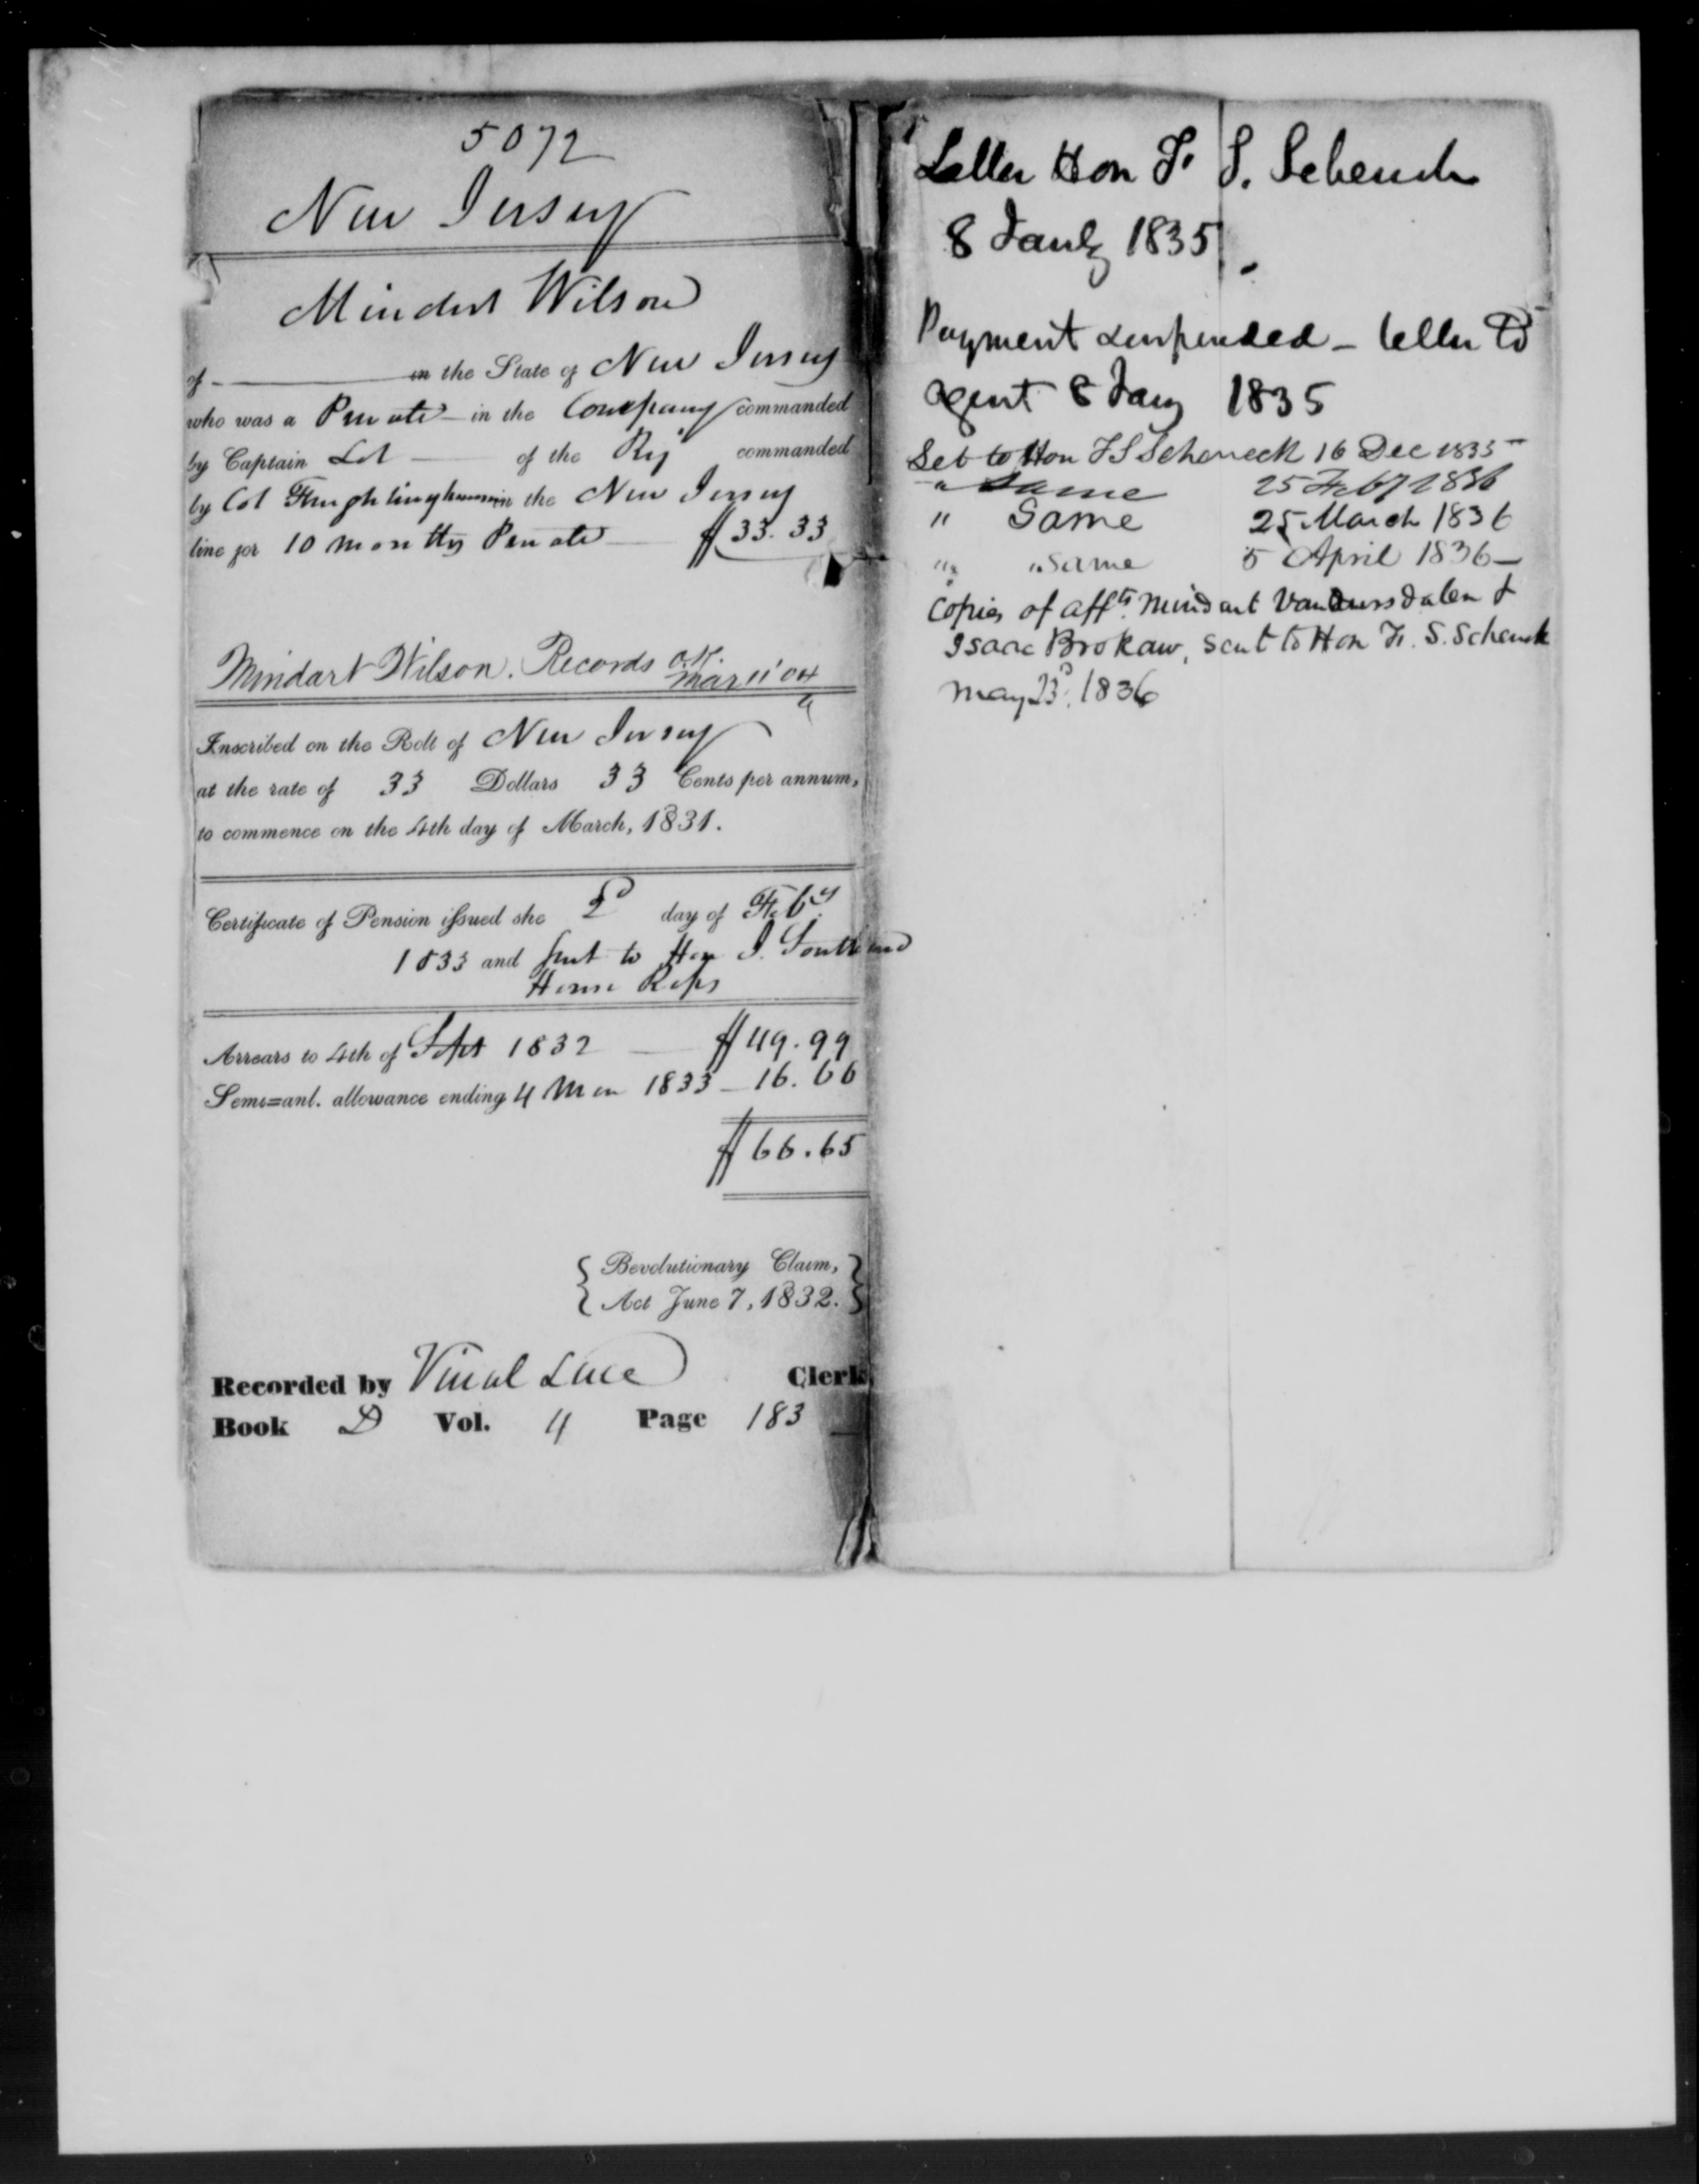[left side]
5072
New Jersey
===
Mindart Wilson
of -- in the State of New Jersey
who was a Private in the Company commanded
by Captain Lot of the Reg commanded
by Col Freighlinghunnin [Frelinghuysen] in the New Jersey
line for 10 months Private $33.33
Mindart Wilson, Records O.K. Mar 11 '04
===
Inscribed on the Roll of New Jersey
at the rate of 33 Dollars 33 Cents per annum,
to commence on the 4th day of March, 1831.
===
Certificate of Pension issued the 2d day of Feb'y
1833 and sent to Hon I. Southard House Reps
===
Arrears to 4th of Sept 1832 -- $49.99
Semi-anl. allowance ending 4 Mar 1833 -- 16.66
[total] $66.65

{ Revolutionary Claim, Act June 7, 1832. }
Recorded by Vinal Luce Clerk,
Book D Vol. 4 Page 183

[right side]
Latter Hon F. S. Schenck 8 July 1835
Payment suspended -- letter to agent 8 Jany 1835
Let to Hon F S Schenck 16 Dec 1835
" same 25 Feby 1836
" Same 25 March 1836
" Same 5 April 1836
Copies of aff'ts Mindart Van Arsdalen &
Isaac Brokaw, sent to Hon F. S. Schenck
May 23d 1836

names: Frughlinghusen, Mindart Wilson, Vinal Luce, Mindart Van Arsdalen, Isaac Brokaw, I Southard, Mindert Wilson, F S Scheneck, F S Schenck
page: 2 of 40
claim: survivor's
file: S. 3564, Mindart Wilson, New Jersey